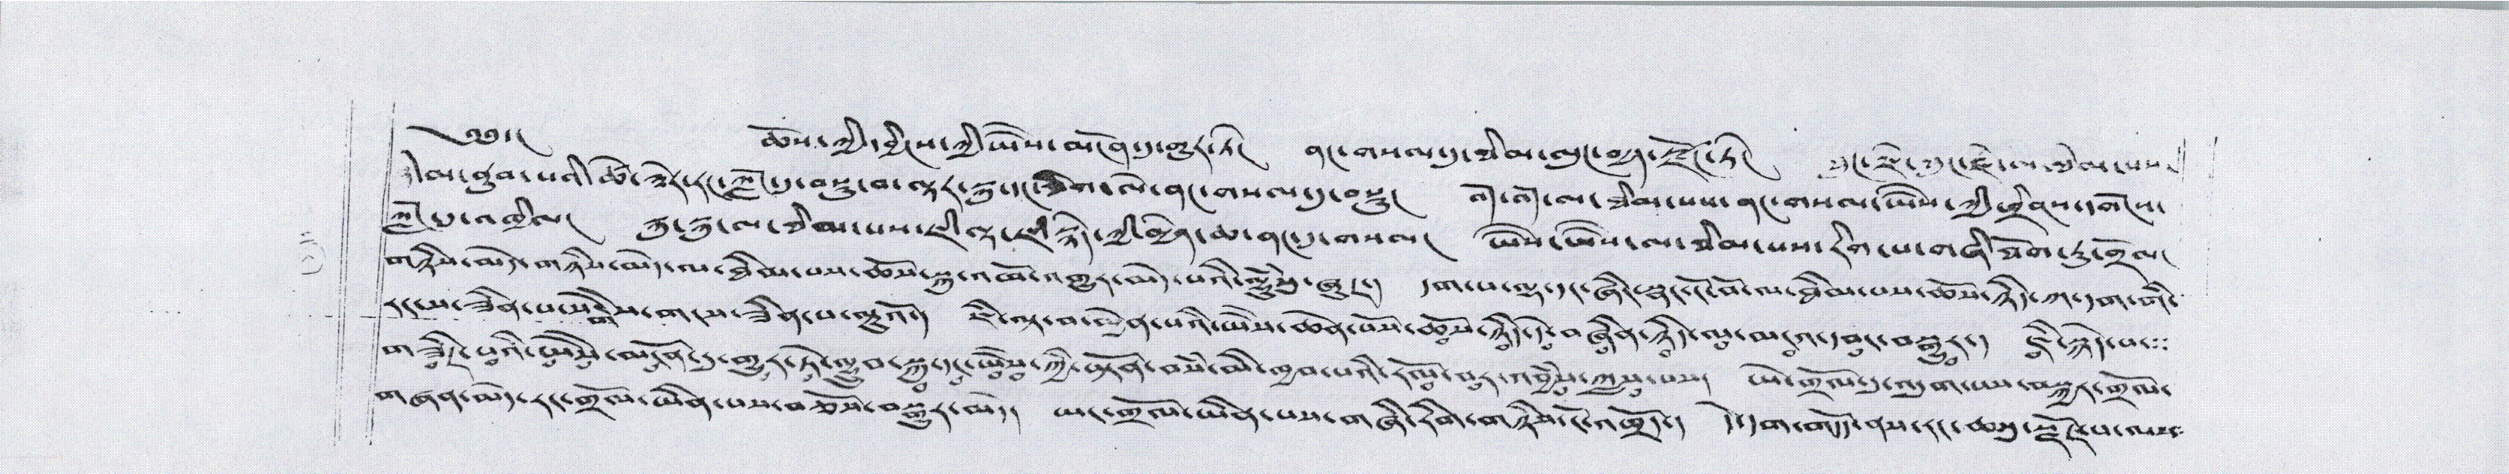ཆོས་ཀྱི་དབྱིངས་ཀྱི་ཡེ་ཤེས་མངོན་དུ་གྱུར་ཏེ། ནང་གསལ་དུ་ཐིམ་ལུགས་བརྒྱད་རྫོགས་ཏེ། ཐུགས་རྗེ་ཐུགས་རྗེ་ལ་ཐིམ་པས་
ཉི་མ་ནུབ་པའི་ཚེ་ཟེར་རང་ཀློང་དུ་བསྡུ་བ་ལྟར་སྐུ་དང་ཐིག་ལེ་ནང་གསལ་དུ་བསྡུ། འོད་འོད་ལ་ཐིམ་པས་ནང་གསལ་ཡེ་ཤེས་ཀྱི་འཕྲིན་ལས་དགོངས་
ཀློང་དུ་འཁྱིལ། སྐུ་སྐུ་ལ་ཐིམ་པས་ཇི་ལྟ་ཇི་སྙེད་ཀྱི་མཁྱེན་ཆ་ནང་དུ་གསལ། ཡེ་ཤེས་ལ་ཡེ་ཐིམ་པས་རིག་པ་གཞི་ཐོག་ཏུ་གྲོལ། 
གཉིས་མེད་གཉིས་མེད་ལ་ཐིམ་པས་ཆོས་སྐུ་འཕོ་འགྱུར་མེད་པའི་ལྷུམས་སུ་ཞུགས། དག་པ་ལྷ་དང་ཞིང་སྣང་ངོ་བོ་ཐིམ་པས་ཆོས་ཉིད་ཀ་དག་གི་
རང་ས་ཟིན་པ་སེང་གེས་གངས་ཟིན་པ་ལྟ་བུའོ། ཇི་ལྟ་བ་མཁྱེན་པའི་ཡེ་ཤེས་ཆེན་པོས་ཆོས་ཉིད་དེ་བཞིན་ཉིད་ལ་མངའ་དབང་བསྒྱུར། ཇི་སྙེད་པ
གཟིགས་པའི་ཡེ་ཤེས་མངོན་དུ་གྱུར་ཏེ་ལྷུན་གྲུབ་སྐུ་དང་ཡེ་ཤེས་ཀྱི་ཡོན་ཏན་བསམ་མི་ཁྱབ་པའི་རོལ་པར་འབྱམས་ཀླས་པས། ཡེ་གྲོལ་དུ་འདུག་པས་བསྐྱར་གྲོལ་
གཞན་མེད་རང་གྲོལ་ཡིན་པས་བཅོས་སྒྱུར་མེད། ཡང་གྲོལ་ཡིན་པས་གཞི་རིག་གཉིས་ངོ་འཕྲོད། དེ་དག་གདོད་ནས་རང་ཆས་སུ་རྫོགས་པ་ལ་